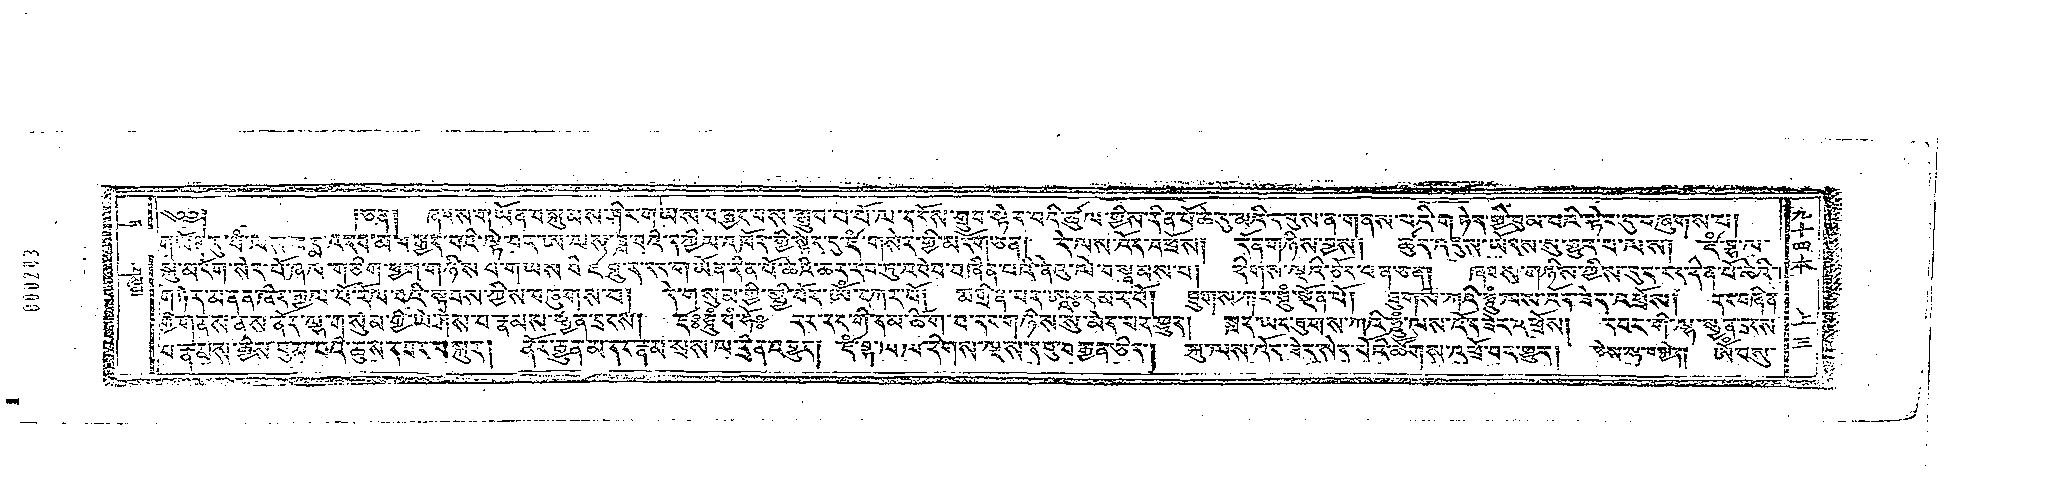༄༅། ཅན། ཞབས་གཡོན་བསྐུམས་ཤིང་གཡས་བརྐྱང་བས་སྒྲུབ་པ་པོ་ལ་དངོས་གྲུབ་སྟེར་བའི་ཚུལ་གྱིས་རིན་པོ་ཆེ་དུ་མའི་དབུས་ན་གནས་པའི་གཏེར་གྱི་བུམ་པའི་སྟེང་དུ་བཞུགས་པ། །
གཡོན་དུ་བཾ་ལས་པདམ་འདབ་མ་བརྒྱད་པའི་ལྟེ་བར་ཨ་ལས་ཟླ་བའི་དཀྱིལ་འཁོར་གྱི་སྟེང་དུ་ཛཾ་གསེར་གྱི་མདོག་ཅན། དེ་ལས་འོད་འཕྲོས། །དོན་གཉིས་བྱས། །ཚུར་འདུས་ཡོངས་སུ་གྱུར་པ་ལས། །ཛཾ་བྷ་ལ་
སྐུ་མདོག་སེར་པོ་ཞལ་གཅིག་ཕྱག་གཉིས་པ་གཡས་བི་ཛ་པཱུ་ར་དང་གཡོན་རིན་པོ་ཆེའི་ཆར་རབ་ཏུ་འབེབ་བཞིན་པའི་ནེའུ་ལེ་བསྣམས་བ། །རིགས་ལྔའི་ཅོད་པན་ཅན། །ཞབས་གཉིས་གྱིས་དུང་དང་རིན་པོ་ཆེའི་
གཏེར་མནན་ཞིང་རྒྱལ་པོ་རོལ་བའི་སྟབས་ཀྱིས་བཞུགས་པ། །དེ་གསུམ་གྱི་སྤྱི་བོར་ཨོཾ་དཀར་པོ། །མགྲིན་བར་ཨཱཿ དམར་པོ། །ཐུགས་ཀར་།ཧཱུཾ་སྔོན་པོ། ཐུགས་ཀའི་ཧཱུཾ་ལས་འོད་ཟེར་འཕྲོས། །རང་བཞིན་
ཀྱི་གནས་ནས་ནོར་ལྷ་གསུམ་གྱི་ཡེ་ཤེས་པ་རྣམས་སྤྱན་དྲངས། ཛཿ ཧཱུཾ་བཾ་ཧོཿ རང་རང་གི་དམ་ཚིག་པ་དང་གཉིས་སུ་མེད་པར་གྱུར། །སླར་ཡང་ཐུགས་ཀའི་ཧཱུཾ་ལས་འོད་ཟེར་འཕྲོས། །དབང་གི་ལྷ་སྤྱན་དྲངས་
བ་རྣམས་ཀྱིས་བུམ་པའི་ཆུས་དབང་བསྐུ། །ནོར་རྒྱུན་མ་དང་རྣམ་སྲས་ལ་རིན་འབྱུང་། ཛཾ་བྷ་ལ་ལ་རིགས་ལྔས་དབུ་བརྒྱན་ཅིང་། །སྐུ་ལས་འོད་ཟེར་སེར་པའི་ཚོགས་འཕྲོ་བར་གྱུར། །ཅེས་ལྷ་བསྐྱེད། །ཨོཾ་བ་སུ་